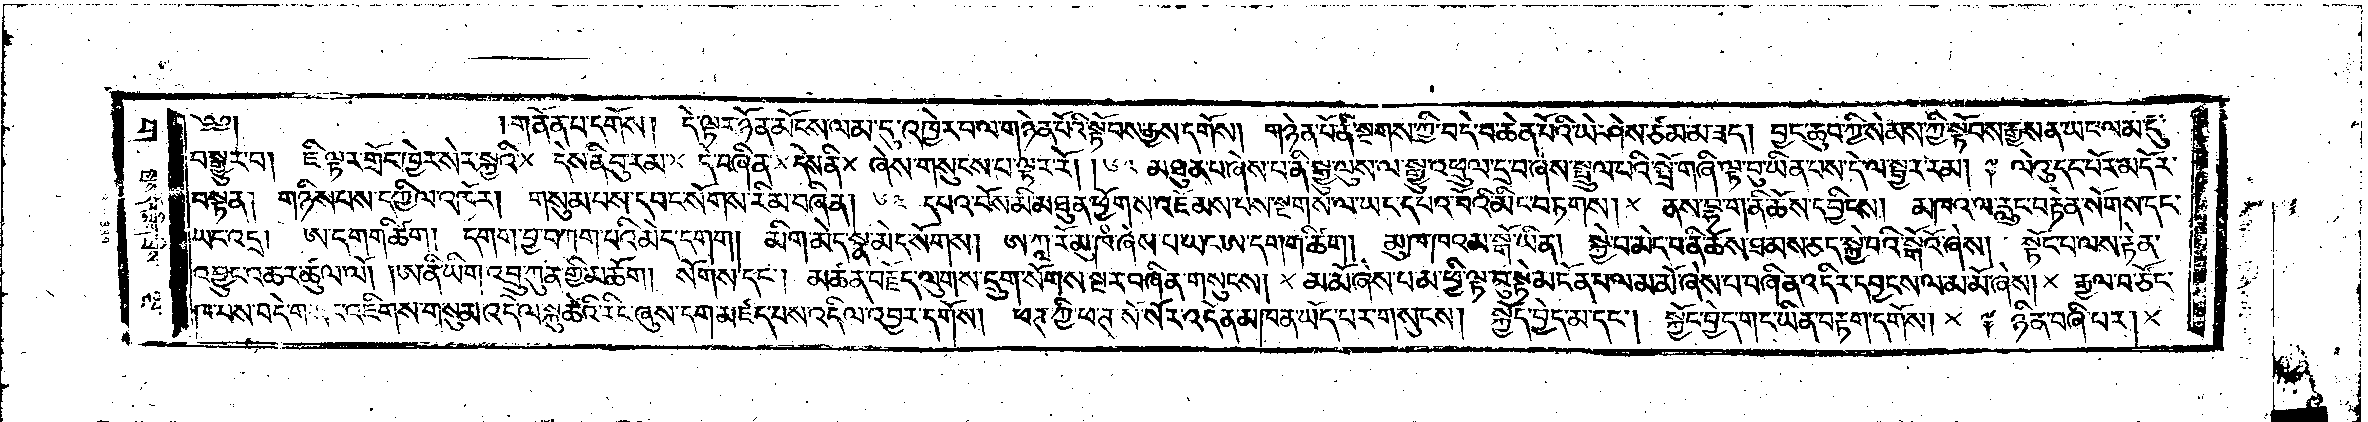༄༅། །གནོན་པ་དགོས། དེ་ལྟར་ཉོན་མོངས་ལམ་དུ་འཁྱེར་བ་ལ་གཉེན་པོའི་སྟོབས་རྒྱས་དགོས། གཉེན་པོ་ནི་སྔགས་ཀྱི་བདེ་བ་ཆེན་པོའི་ཡེ་ཤེས་ཙམ་མ་ཟད། བྱང་ཆུབ་ཀྱི་སེམས་ཀྱི་སྟོབས་རྒྱས་ན་ཡང་ལམ་རྡུ་
བསྒྱུར་བ། ཇི་ལྟར་གྲོང་ཁྱེར་སེར་སྐྱའི྾་དེས་ནི་བུ་རམ྾་དེ་བཞིན྾་དེས་ནི྾་ཞེས་གསུངས་པ་ལྟར་རོ། །༦༢་མཐུན་པ་ཞེས་པ་ནི་སྒྱུ་ལུས་ལ་སྒྱུ་འཕྲུལ་དྲ་བ་ཞེས་སྤྲུལ་པའི་སྤྲོ་གཞི་ལྟ་བུ་ཡིན་པས་དེ་ལ་སྦྱར་རམ། ༈ ལེའུ་དང་པོར་མདོར་
བསྟན། གཉིས་པས་དཀྱིལ་འཁོར། གསུམ་པས་དབང་སོགས་རིམ་བཞིན། ༦༣་དཔའ་བོས་མི་མཐུན་ཕྱོགས་འཇོམས་པས་སྔགས་ལ་ཡང་དཔའ་བའི་མིང་བཏགས།྾་ནས་བྷ་ག་ནི་ཆོས་དབྱིངས། མཁའ་ལ་རླུང་བརྟེན་སོགས་དང་
ཡང་འདྲ། ཨ་དགག་ཚིག། དགག་བྱ་བཀག་པའི་མེད་དགག། མིག་མེད་སྣ་མེད་སོགས། ཨ་ཀླ་རོ་མུ་ཁཾ་ཞེས་པ་ཡང་ཨ་དགག་ཚིག། མུ་ཁ་ཁའམ་སྒོ་ཡིན། སྐྱེ་བ་མེད་པ་ནི་ཆོས་ཐམས་ཅད་སྐྱེ་བའི་སྒོའི་ཞེས། སྟོང་པ་ལས་རྟེན་
འབྱུང་འཆར་ཚུལ་ལོ། །ཨ་ནི་ཡིག་འབྲུ་ཀུན་གྱི་མཆོག། སོགས་དང་། མཚན་བརྗོད་ལུགས་དྲུག་སོགས་སྔར་བཞིན་གསུངས། ྾་མ་མོ་ཞེས་པ་མ་ཕྱི་ལྟ་བུ་སྟེ་མངོན་པ་ལ་མ་མོ་ཞེས་པ་བཞིན་འདིར་དབྱངས་ལ་མ་མོ་ཞེས། ྾་རྒྱལ་བ་ཙོང་
ཁ་པས་བདེ་གསར་འཇིགས་གསུམ་འདི་ལ་སྐུ་ཚེའི་རིང་ཞུས་དག་མཛད་པས་འདི་ལ་འབྱར་དགོས། ཕཊ་ཀྱི་ཕཊ་སོ་སོར་འདོན་མཁན་ཡོད་པར་གསུངས། སྐྱོད་བྱེད་མ་དང་། སྐྱོན་བྱེད་གང་ཡིན་བརྟག་དགོས།྾་༈ ཉིན་བཞི་པར།྾་